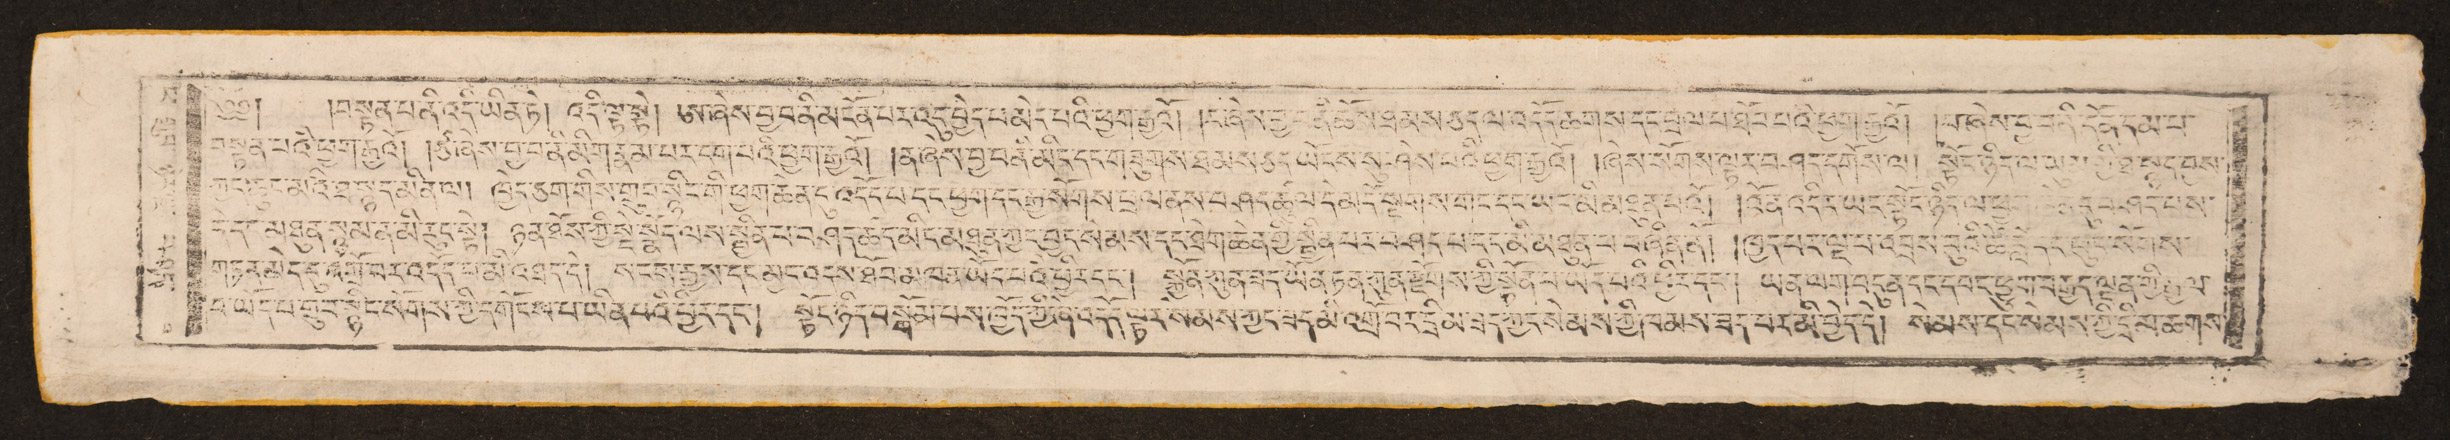༄༅། །བསྟན་པ་ནི་འདི་ཡིན་ཏེ། འདི་ལྟ་སྟེ། ཨ་ཞེས་བྱ་བ་ནི་མངོན་པར་འདུ་བྱེད་པ་མེད་པའི་ཕྱག་རྒྱའོ། །ར་ཞེས་བྱ་བ་ནི་ཆོས་ཐམས་ཅད་ལ་འདོད་ཆགས་དང་བྲལ་བ་ཐོབ་པའི་ཕྱག་རྒྱའོ། །པ་ཞེས་བྱ་བ་ནི་དོན་དམ་པ་
བསྟན་པའི་ཕྱག་རྒྱའོ། །ཙ་ཞེས་བྱ་བ་ནི་མིག་རྣམ་པར་དག་པའི་ཕྱག་རྒྱའོ། །ན་ཞེས་བྱ་བ་ནི་མིང་དང་གཟུགས་ཐམས་ཅད་ཡོངས་སུ་ཤེས་པའི་ཕྱག་རྒྱའོ། །ཞེས་སོགས་ལྟར་བཤད་དགོས་ལ། སྟོང་ཉིད་ལ་ཡུམ་གྱི་ཐ་སྙད་བྱས་
ཀྱང་ཆུང་མའི་ཐ་སྙད་མིན་ལ། ཁྱེད་ཅག་གིས་གྲུབ་སྙིང་གི་ཕྱག་ཆེན་དུ་འདོད་པ་དང་ཕྱག་དང་རྒྱ་སོགས་ཕྲལ་ནས་བཤད་ཚུལ་དེ་མདོ་སྔགས་གང་དང་ཡང་མི་མཐུན་པའོ། །འོ་ན་འདིར་ཡང་སྟོང་ཉིད་ལ་ཕྱག་ཆེན་དུ་བཤད་པས་
དེ་དང་མཐུན་སྙམ་ན་མ་རུང་སྟེ། ཉན་ཐོས་ཀྱི་སྡེ་སྣོད་ལས་སྦྱིན་པ་བཤད་ཚད་མིང་མཐུན་ཀྱང་བྱང་སེམས་དང་ཐེག་ཆེན་གྱི་སྦྱིན་པར་བཤད་པ་དང་མི་མཐུན་པ་བཞིན་ནོ། །ཁྱད་པར་ལྔ་པ་འབྲས་བུའི་ཚེ་བློ་དང་ཕུང་སོགས་
གཏན་མེད་དུ་འགྲོ་བར་འདོད་པ་མི་འཐད་དེ། སངས་རྒྱས་དང་མྱང་འདས་ཐོབ་མཁན་ཡོད་པའི་ཕྱིར་དང་། སྐྱོན་ཀུན་ཟད་ཡོན་ཏན་ཀུན་རྫོགས་ཀྱི་སྟོན་པ་ཡོད་པའི་ཕྱིར་དང་། ཡན་ལག་བདུན་དང་དབང་ཕྱུག་བརྒྱད་ལྡན་གྱི་རྒྱལ་
བ་ཡོད་པ་གྲུབ་སྙིང་སོགས་ཀྱི་དགོངས་པ་ཡིན་པའི་ཕྱིར་དང་། སྟོང་ཉིད་བསྒོམ་པས་ཁྱོད་ཀྱི་ཞེ་འདོད་ལྟར་སེམས་ཀྱང་ཟད་མི་འགྲོ་བར་དྲི་མ་ཟད་ཀྱང་སེམས་ཀྱི་ཁམས་ཟད་པར་མི་བྱེད་དེ། སེམས་དང་སེམས་ཀྱི་དྲི་མ་ཆགས་